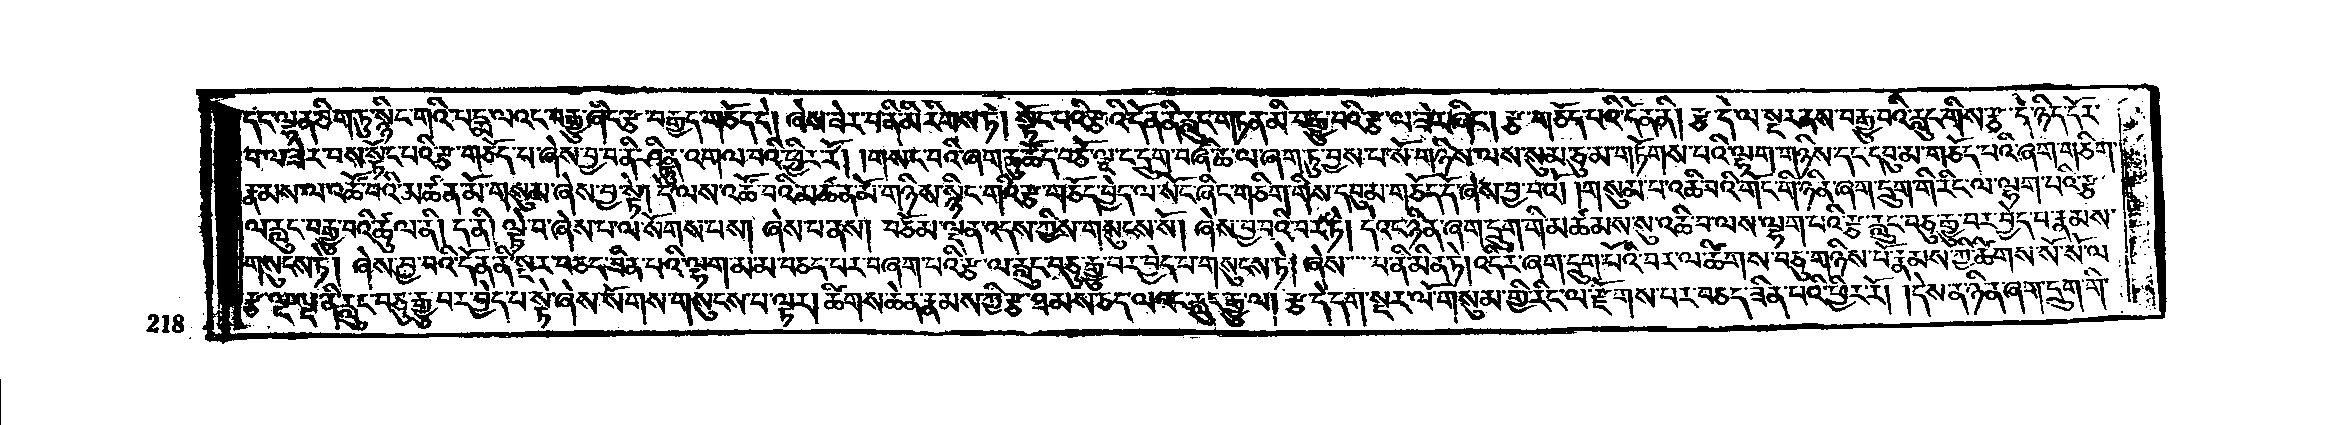དང་ལྷན་ཅིག་ཏུ་སྙིང་གའི་པདམ་ལའང་བརྒྱུ་ཞིང་རྩ་བརྒྱད་གཅོད་དེ། ཞེས་ཟེར་བ་ནི་མི་རིགས་ཏེ། སྟོང་པའི་རྩའི་དོན་ནི་རླུང་གཏན་མི་བརྒྱུ་བའི་རྩ་ལ་ཟེར་ཞིང་། རྩ་གཅོད་པའི་དོན་ནི། རྩ་དེ་ལ་སྔར་ནས་བརྒྱུ་བའི་རླུང་གིས་རྩ་དེ་ཉིད་དོར་
བ་ལ་ཟེར་བས་སྟོང་པའི་རྩ་གཅོད་པ་ཞེས་བྱ་བ་ནི་ཤིན་ཏུ་འགལ་བའི་ཕྱིར་རོ། །གསང་བའི་ཞག་ཆུ་ཚོད་བཅོ་ལྔ་ང་དྲུག་བཞི་ཆ་ལ་ཞག་ཏུ་བྱས་པ་སོ་གཉིས་ལས་སུམ་ཅུ་མ་གཏོགས་པའི་ལྷག་གཉིས་དང་དབུ་མ་གཅོད་པའི་ཞག་གཅིག་
རྣམས་ལ་འཚོ་བའི་མཚན་མོ་གསུམ་ཞེས་བྱ་སྟེ། དེ་ལས་འཚོ་བའི་མཚན་མོ་གཉིས་སྙིང་གའི་རྩ་གཅོད་བྱེད་ལ་སོང་ཞིང་གཅིག་གིས་དབུ་མ་གཅོད་དོ་ཞེས་བྱ་བའོ། །གསུམ་པ་འཆི་བའི་གོང་གི་ཉིན་ཞག་དྲུག་གི་རིང་ལ་ལྷག་པའི་རྩ་
ལ་རླུང་བརྒྱུ་བའི་ཚུལ་ནི། ད་ནི། ལྟེ་བ་ཞེས་པ་ལ་སོགས་པས། ཞེས་པ་ནས། བཅོམ་ལྡན་འདས་ཀྱིས་གསུངས་སོ། ཞེས་བྱ་བའི་བ་རྟེ། དེའང་ཉིན་ཞག་དྲུག་གི་མཚམས་སུ་འཆི་བ་ལས་ལྷག་པའི་རྩ་རླུང་བཅུ་རྒྱུ་བར་བྱེད་པ་རྣམས་
གསུངས་ཏེ། ཞེས་བྱ་བའི་དོན་ནི་སྔར་བཅད་ཟིན་པའི་ལྷག་མ་མ་བཅད་པར་བཞག་པའི་རྩ་ལ་རླུང་བཅུ་རྒྱུ་བར་བྱེད་པ་གསུངས་ཏེ། ཞེས་པ་ནི་མིན་ཏེ། འདིར་ཞག་དྲུག་པོའི་བར་ལ་ཚིགས་བཅུ་གཉིས་པོ་རྣམས་ཀྱི་ཚིགས་སོ་སོ་ལ་
རྩ་ལྔ་ལྔ་ནི་རླུང་བཅུ་རྒྱུ་བར་བྱེད་པ་སྟེ་ཞེས་སོགས་གསུངས་པ་ལྟར། ཚིགས་ཆེན་རྣམས་ཀྱི་རྩ་ཐམས་ཅད་ལའང་རླུང་རྒྱུ་ལ། རྩ་དེ་དག་སྔར་ལོ་གསུམ་གྱི་རིང་ལ་རྫོགས་པར་བཅད་ཟིན་པའི་ཕྱིར་རོ། །དེས་ན་ཉིན་ཞག་དྲུག་གི་